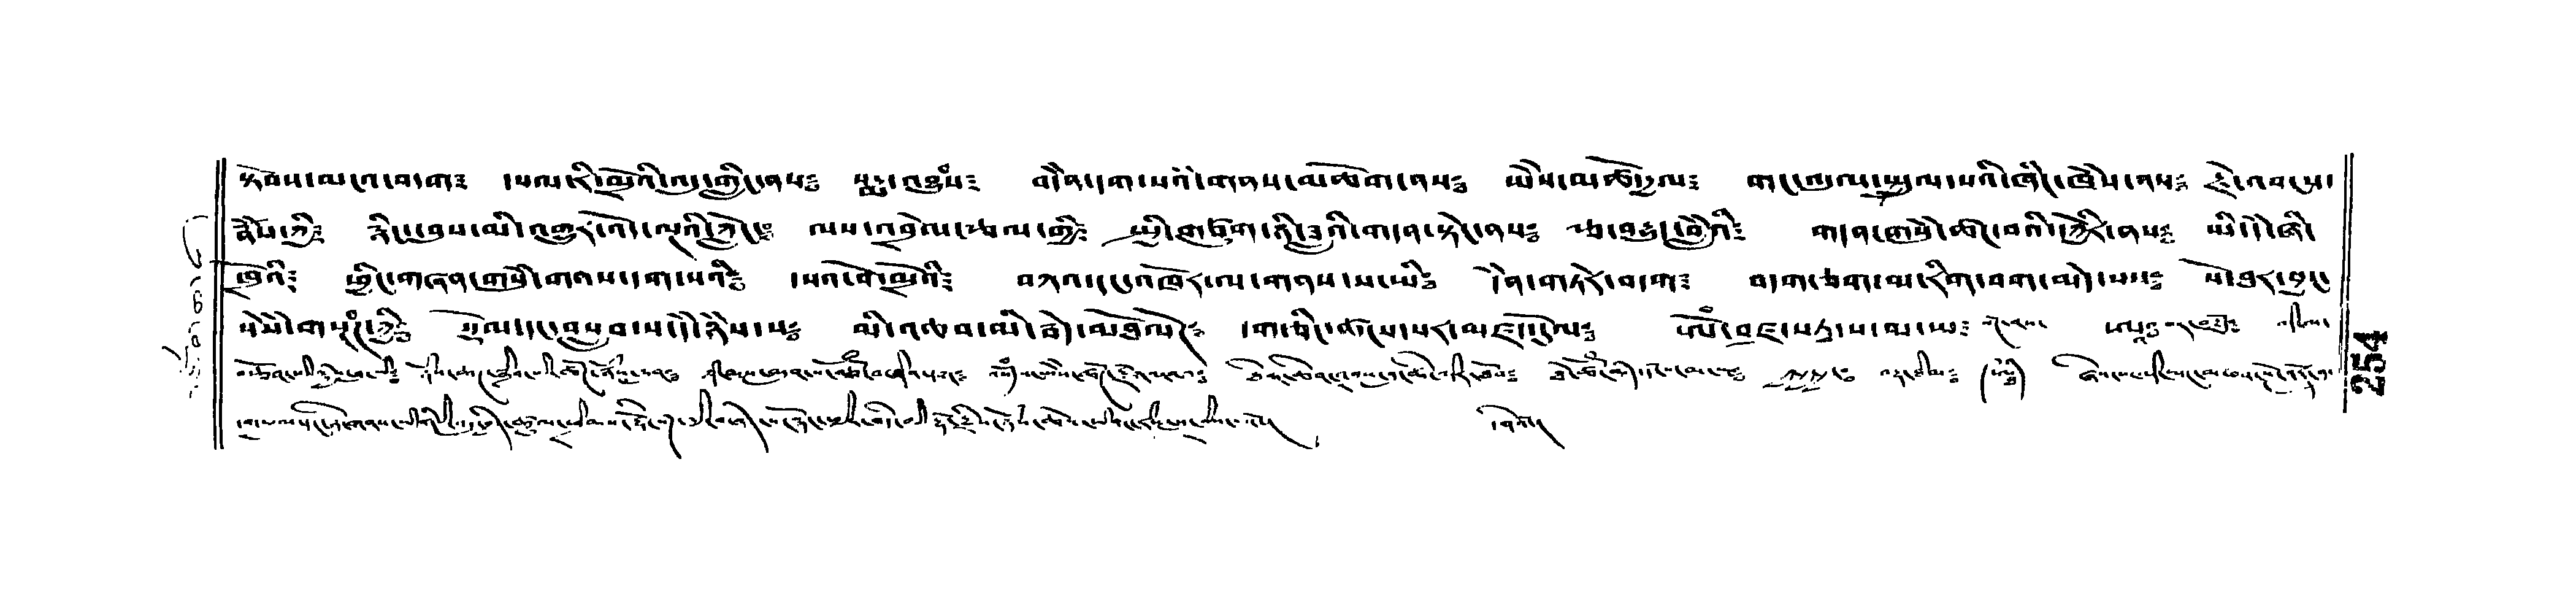སྟོབས་མངའ་བདག༴ དཔལ་རི་མཁའ་འགྲོའི་འདུ་གླིང་ནས༔ པདྨ་འབྱུང་གནས༴ བདེ་ཆེན་དག་པའི་གནས་མཆོག་ནས༔ ཡེ་ཤེས་མཚོ་རྒྱལ༴ གང་འདུལ་སྤྲུལ་པའི་ཞིང་ཁམས་ནས༔ རྗེ་འབངས་
རྣམས་ཀྱི༴ སྙིང་དབུས་མི་འགྱུར་འོད་ལྔའི་ཀློང༔ ལས་འབྲེལ་རྩལ་གྱི༴ སྤྱི་གཙུག་ཉི་ཟླའི་གདན་སྟེང་ནས༔ རྩ་བརྒྱུད་བླ་མའི༴ གདན་གསུམ་ཚང་བའི་དཀྱིལ་འཁོར་ནས༔ ཡི་དམ་ཞི་
ཁྲོའི༴ ཕྱི་ནང་གཞན་གསུམ་གནས་དག་པའི༔ དཔའ་བོ་མཁའ་འགྲོའི༴ བཀའ་དང་འཁོར་ལ་གནས་པ་ཡི༔ དམ་ཅན་གཏེར་བདག༴ བདག་ཅག་མ་རིག་བག་མེད་པས༔ སོ་ཐར་བྱང་
སེམས་གསང་སྔགས་ཀྱི༔ སྡོམ་དང་བསླབ་པ་དམ་ཉམས་པ༔ མི་འཆབ་མི་སྦེད་མཐོལ་ལོ་བཤགས༔དག་ཅིང་ཚངས་པར་མཛད་དུ་གསོལ༔ ཨོཾ་བཛྲ་ས་ཏྭ་ས་མ་ཡ༴ སོགས་ནས༔ ཨཱཿ བར་བརྗོད༔ འདི་ལ་
བརྩོན་པའི་སྐྱེས་བུ་ཡིས༔ ཉམས་ཆག་སྒྲིབ་པའི་ཚོགས་རྣམས་ཀུན༔ ཉི་མས་མུན་པ་བཅོམ་བཞིན་དག༔ བསོད་ནམས་ཡེ་ཤེས་ཚོགས་རྫོགས་ནས༔ ཐེག་ཆེན་འབྲས་བུ་ཚེ་འདིར་ཐོབ༔ ཐེ་ཚོམ་མེད་དོ་ས་མ་ཡ༔ རྒྱ་རྒྱ་རྒྱ༔ བརྡ་ཐིམ༔ ༔ ཞེས་པ་འདི་ཡང་མཁན་པོ་ནོར་བུ་
དབང་རྒྱལ་དང་ཉེ་གནས་ཡི་གེའི་འདུ་བྱེད་ཚུལ་ཁྲིམས་རྡོ་རྗེ་སོགས་ཀྱི་བཞེད་པ་སྐོང་ཕྱིར་བདེ་བའི་རྡོ་རྗེས་ཉམས་ཆོས་ཡིག་རིས་སུ་བྲིས་པ་དགེའོ།།